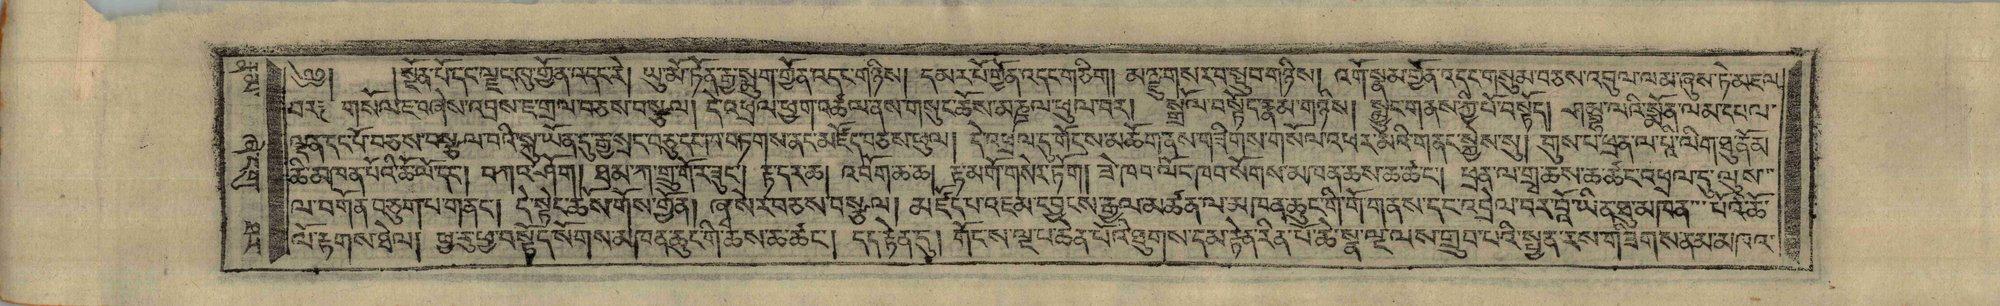༄༅། །སྔོན་པོ་དང་ལྗང་ཁུ་གྱོན་འདང་རེ། ཡུ་མོ་ཏོན་རྒྱ་སྨུག་གྱོན་འདང་གཉིས། དམར་པོ་གྱོན་འདང་གཅིག །མཉྫུ་གསར་བ་སྤུབ་གཉིས། འགོ་སྣམ་གྱོན་འདང་གསུམ་བཅས་འབུལ་ལམ་ཞུས་ཏེ་མཇལ་
བར༑ གསོལ་ཇ་བཞེས་འབྲས་ཇ་གྲལ་བཅས་བསྩལ། དེ་འཕྲལ་ཕྱག་འཚལ་ནས་གསུང་ཆོས་མཎྜལ་ཕུལ་བར། སྒྲོལ་བསྟོད་རྣམ་གཉིས། སྨྱུང་གནས་ཀྱི་པོ་བསྟོད། ཤམྦྷ་ལའི་སྨོན་ལམ་དཔལ་
ལྡན་དང་པོ་བཅས་བསྩལ་བའི་སྐུ་ཡོན་དུ་རྒྱ་སྲང་བཅུ་དང་ཁ་བཏགས་ནང་མཛོད་བཅས་ཕུལ། དེ་འཕྲལ་དུ་གོང་ས་མཆོག་ནས་གཟིགས་གསོལ་འཕར་མའི་གནང་སྐྱེས་སུ། གུས་པ་ཕྲན་ལ་པཱི་ལིག་ཐུ་ནོམ་
ཆི་མཁན་པོའི་ཆོ་ལོ་དང་། བཀའ་ཤོག །ཐམ་ཀ་གྲུ་གོར་ཟུང་། རྟ་དར་ཆ། འབོག་ཆ་ཆ། རྟ་མགོ་གསེར་ཏོག །ཟེ་ཁབ་ལོང་ཁབ་སོགས་མཁན་ཆས་ཆ་ཚང་། ཕྲན་ལ་གྲྭ་ཆས་ཆ་ཚང་འཕྲལ་དུ་ལུས་
ལ་བགོན་བཅུག་པ་གནང་། དེ་སྟེང་ཆོས་གོས་གྱོན། ཞྭ་སེར་བཅས་བསྩལ། མཛོད་པ་འཇམ་དབྱངས་རྒྱལ་མཚན་ལ་མཁན་ཆུང་གི་གོ་གནས་དང་འབྲེལ་བར་བO་ཡིན་ཐུ་མཁན་པོའི་ཆོ་
ལོ་རྟགས་ཐེལ། ཕྱ་རུ་ཕྱ་བསྟོད་སོགས་མཁན་ཆུང་གི་ཆས་ཆ་ཚང་། དད་རྟེན་དུ། གོང་ས་ལྔ་པ་ཆེན་པོའི་ཐུགས་དམ་རྟེན་རིན་པོ་ཆེ་སྣ་ལྔ་ལས་གྲུབ་པའི་སྤྱན་རས་གཟིགས་ནམ་མཁའ་